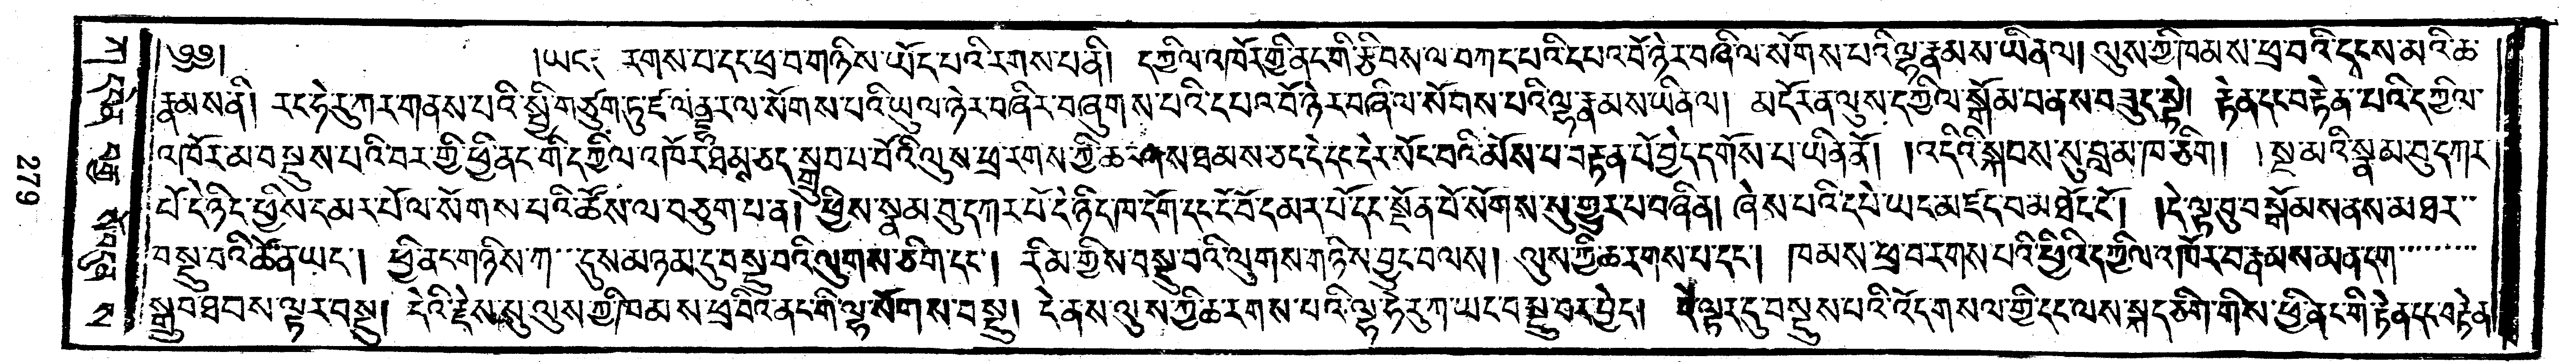༄༅། །ཡང༑ རགས་པ་དང་ཕྲ་བ་གཉིས་ཡོད་པའི་རགས་པ་ནི། དཀྱིལ་འཁོར་གྱི་ནི་ནང་གི་རྩིབས་ལ་བཀང་པའི་དཔའ་བོ་ཉེར་བཞི་ལ་སོགས་པའི་ལྷ་རྣམས་ཡིན་ལ། ལུས་ཀྱི་ཁམས་ཕྲ་བའི་དྭངས་མའི་ཆ་
རྣམས་ནི། རང་ཧེ་རུ་ཀར་གནས་པའི་སྤྱི་གཙུག་ཏུ་ཛ་ལནྡྷ་ར་ལ་སོགས་པའི་ཡུལ་ཉེར་བཞིར་བཞུགས་པའི་དཔའ་བོ་ཉེར་བཞི་ལ་སོགས་པའི་ལྷ་རྣམས་ཡིན་ལ། མདོར་ན་ལུས་དཀྱིལ་སྒོམ་པ་ནས་བཟུང་སྟེ། རྟེན་དང་བརྟེན་པའི་དཀྱིལ་
འཁོར་མ་བསྡུས་པའི་བར་གྱི་ཕྱི་ནང་གི་དཀྱིལ་འཁོར་ཐམས་ཅད་སྒྲུབ་པ་བོའི་ལུས་ཕྲ་རགས་ཀྱི་ཆ་ཤས་ཐམས་ཅད་དེ་དང་དེར་སོང་བའི་མོས་པ་བརྟན་པོ་བྱེད་དགོས་པ་ཡིན་ནོ། །འདིའི་སྐབས་སུ་བླ་མ་ཁ་ཅིག། །སྔ་མའི་སྣམ་བུ་དཀར་
པོ་དེ་ཉིད་ཕྱིས་དམར་པོ་ལ་སོགས་པའི་ཚོས་ལ་བཅུག་པ་ན། ཕྱིས་སྣམ་བུ་དཀར་པོ་དེ་ཉིད་ཁ་དོག་དང་ངོ་བོ་དམར་པོ་དང་སྔོན་པོ་སོགས་སུ་གྱུར་པ་བཞིན། ཞེས་པའི་དཔེ་ཡང་མཛད་བ་མཐོང་ངོ། །དེ་ལྟ་བུ་བསྒོམས་ནས་མཐར་
བསྡུ་བའི་ཚོན་ཡང་། ཕྱི་ནང་གཉིས་ཀ་དུས་མཉམ་དུ་བསྡུ་བའི་ལུགས་ཅིག་དང་། རིམ་གྱིས་བསྡུ་བའི་ལུགས་གཉིས་བྱུང་བ་ལས། ལུས་ཀྱི་ཆ་རགས་པ་དང་། ཁམས་ཕྲ་བ་རགས་པའི་ཕྱིའི་དཀྱིལ་འཁོར་བ་རྣམས་མན་ངག་
སྒྲུབ་ཐབས་ལྟར་བསྡུ། དེའི་རྗེས་སུ་ལུས་ཀྱི་ཁམས་ཕྲ་བའི་ནང་གི་ལྷ་སོགས་བསྡུ། དེ་ནས་ལུས་ཀྱི་ཆ་རགས་པའི་ལྷ་ཧེ་རུ་ཀ་ཡང་བསྡུ་བར་བྱེད། དེ་ལྟར་དུ་བསྡུས་པའི་འོད་གསལ་གྱི་དང་ལས་སྐད་ཅིག་གིས་ཕྱི་ནང་གི་རྟེན་དང་བརྟེན་